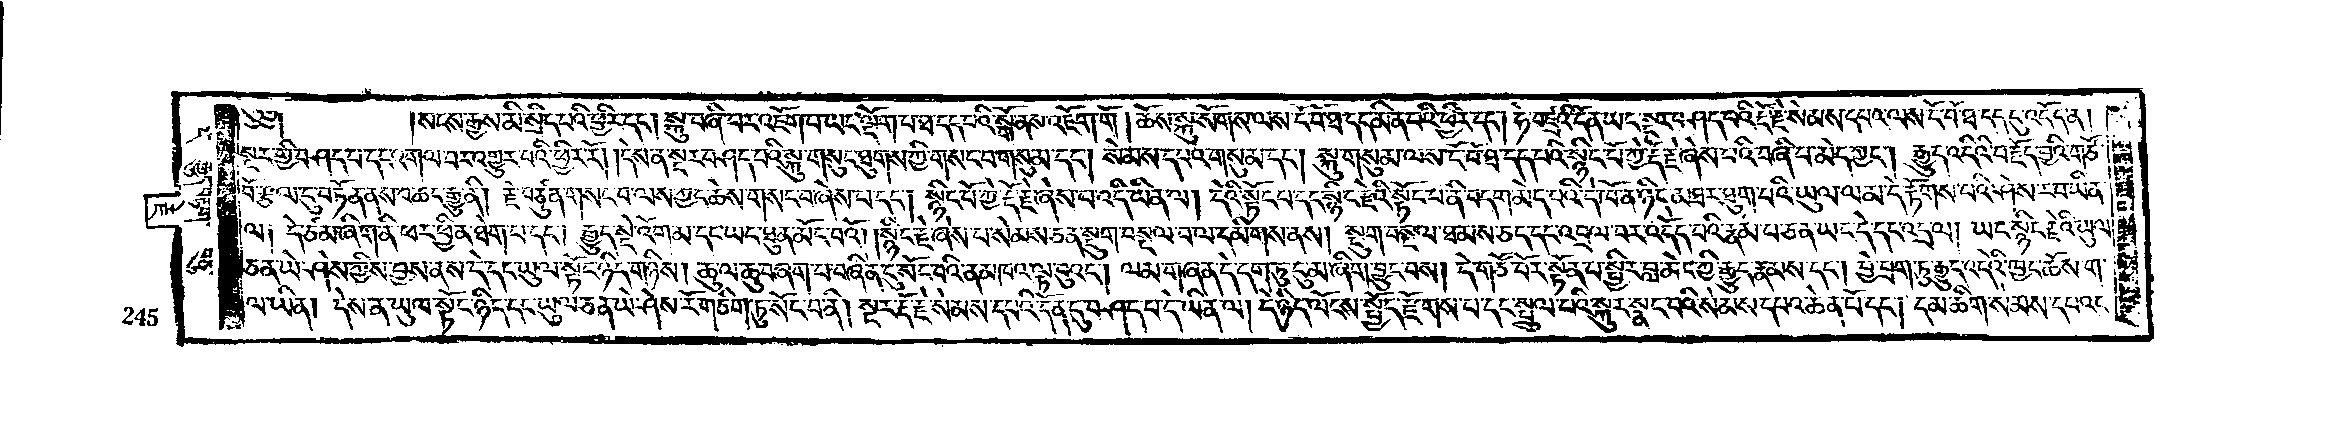༄༅། །སངས་རྒྱས་མི་སྲིད་པའི་ཕྱིར་དང་། སྐུ་བཞི་པར་འཇོག་པ་ཡང་ལྡོག་པ་ཐ་དད་པའི་སྒོ་ནས་འཇོག་གོ །ཆོས་སྐུ་སོགས་ལས་ངོ་བོ་ཐ་དད་མིན་པའི་ཕྱིར་དང་། ཧེ་བཛྲའི་དོན་ཡང་སྔར་བཤད་པའི་རྡོ་རྗེ་སེམས་དཔའ་ལས་ངོ་བོ་ཐ་དད་དུ་འདོད་ན།
སྔར་གྱི་བཤད་པ་དང་འགལ་བར་འགྱུར་བའི་ཕྱིར་རོ། །དེས་ན་སྔར་བཤད་པའི་སྐུ་གསུང་ཐུགས་ཀྱི་གསང་བ་གསུམ་དང་། སེམས་དཔའ་གསུམ་དང་། སྐུ་གསུམ་ལས་ངོ་བོ་ཐ་དད་པའི་སྙིང་པོ་ཀྱེ་རྡོ་རྗེ་ཞེས་པའི་བཞི་པ་མེད་ཀྱང་། རྒྱུད་འདིའི་བརྗོད་བྱའི་གཙོ་
བོ་རྩལ་དུ་བཏོན་ནས་འཆད་རྒྱུ་ནི། རྗེ་བཙུན་གསང་བ་ལས་ཀྱང་ཆེས་གསང་བ་ཞེས་པ་དང་། སྙིང་པོ་ཀྱེ་རྡོ་རྗེ་ཞེས་པ་འདི་ཡིན་ལ། དེའི་སྟོང་པ་དང་སྙིང་རྗེའི་སྟོང་པ་ནི་བདག་མེད་པའི་དེ་ཁོ་ན་ཉིད་མཐར་ཐུག་པའི་ཡུལ་ལམ་དེ་རྟོགས་པའི་ཤེས་རབ་ཡིན་
ལ། དེ་ཙམ་ཞིག་ནི་ཕར་ཕྱིན་ཐེག་པ་དང་། རྒྱུད་སྡེ་འོག་མ་དང་ཡང་ཐུན་མོང་བའོ། །སྙིང་རྗེ་ཞེས་པ་སེམས་ཅན་སྡུག་བསྔལ་བ་ལ་དམིགས་ནས། སྡུག་བསྔལ་ཐམས་ཅད་དང་འབྲལ་བར་འདོད་པའི་རྣམ་པ་ཅན་ཡང་དེ་དང་འདྲ་ལ། ཡང་སྙིང་རྗེའི་ཡུལ་
ཅན་ཡེ་ཤེས་ཀྱིས་བྱས་ནས་དེ་དང་ཡུལ་སྟོང་ཉིད་གཉིས། ཆུ་ལ་ཆུ་བཞག་པ་བཞིན་དུ་སོང་བའི་ནམ་མཁའ་ལྟ་བུའང་། ལམ་གཞན་དེ་དག་ཏུ་དུ་མ་ཞིག་བྱུང་བས། དེ་གཙོ་བོར་སྟོན་པ་སྤྱིར་བླ་མེད་ཀྱི་རྒྱུད་རྣམས་དང་། བྱེ་བྲག་ཏུ་རྒྱུད་འདིའི་ཁྱད་ཆོས་ག་
ལ་ཡིན། དེས་ན་ཡུལ་སྟོང་ཉིད་དང་ཡུལ་ཅན་ཡེ་ཤེས་རོ་གཅིག་ཏུ་སོང་བ་ནི། སྔར་རྡོ་རྗེ་སེམས་དཔའི་དོན་དུ་བཤད་པ་དེ་ཡིན་ལ། དེ་ཉིད་ལོངས་སྤྱོད་རྫོགས་པ་དང་སྤྲུལ་པའི་སྐུར་སྣང་བའི་སེམས་དཔའ་ཆེན་པོ་དང་། དམ་ཚིག་སེམས་དཔའང་